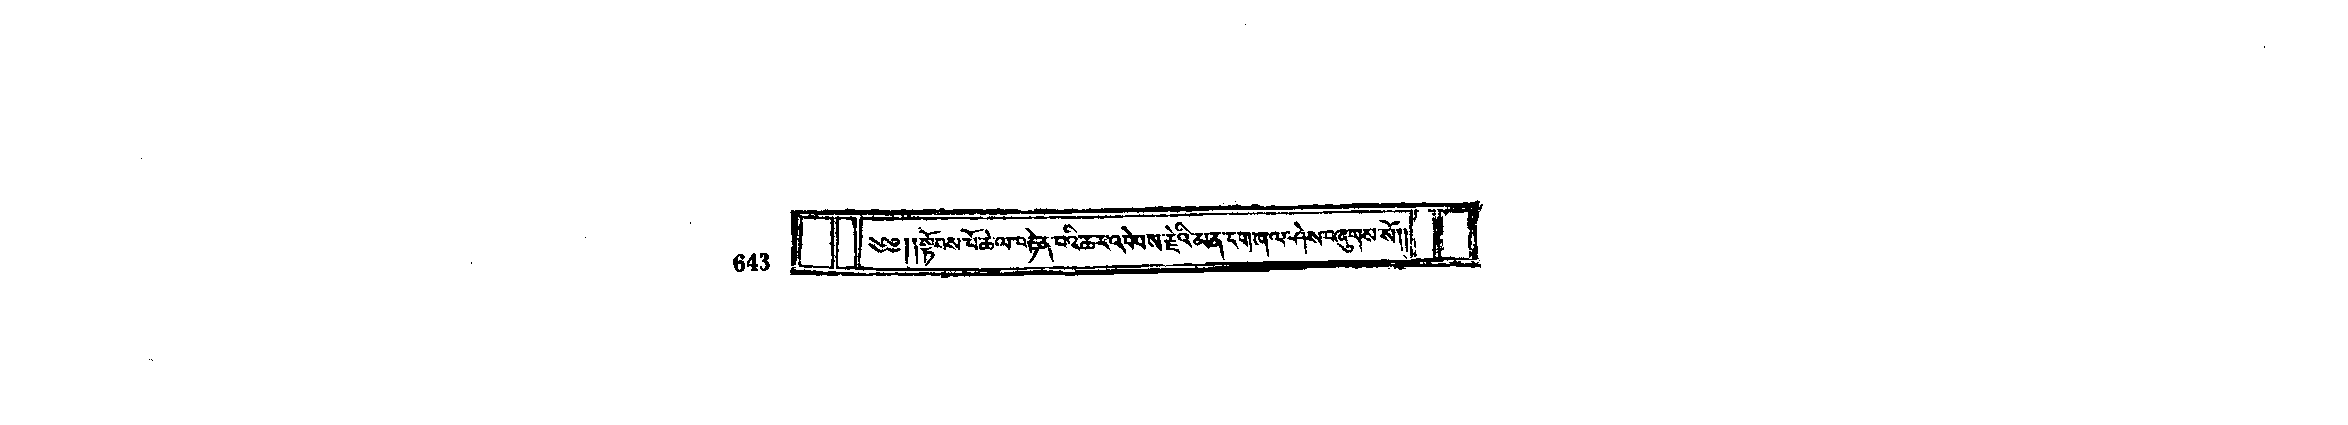༄༅། །སྟོབས་པོ་ཆེ་ལ་བརྟེན་པའི་ཆར་འབེབས་རྗེའི་མན་ངག་ཞལ་ཤེས་བཞུགས་སོ། །